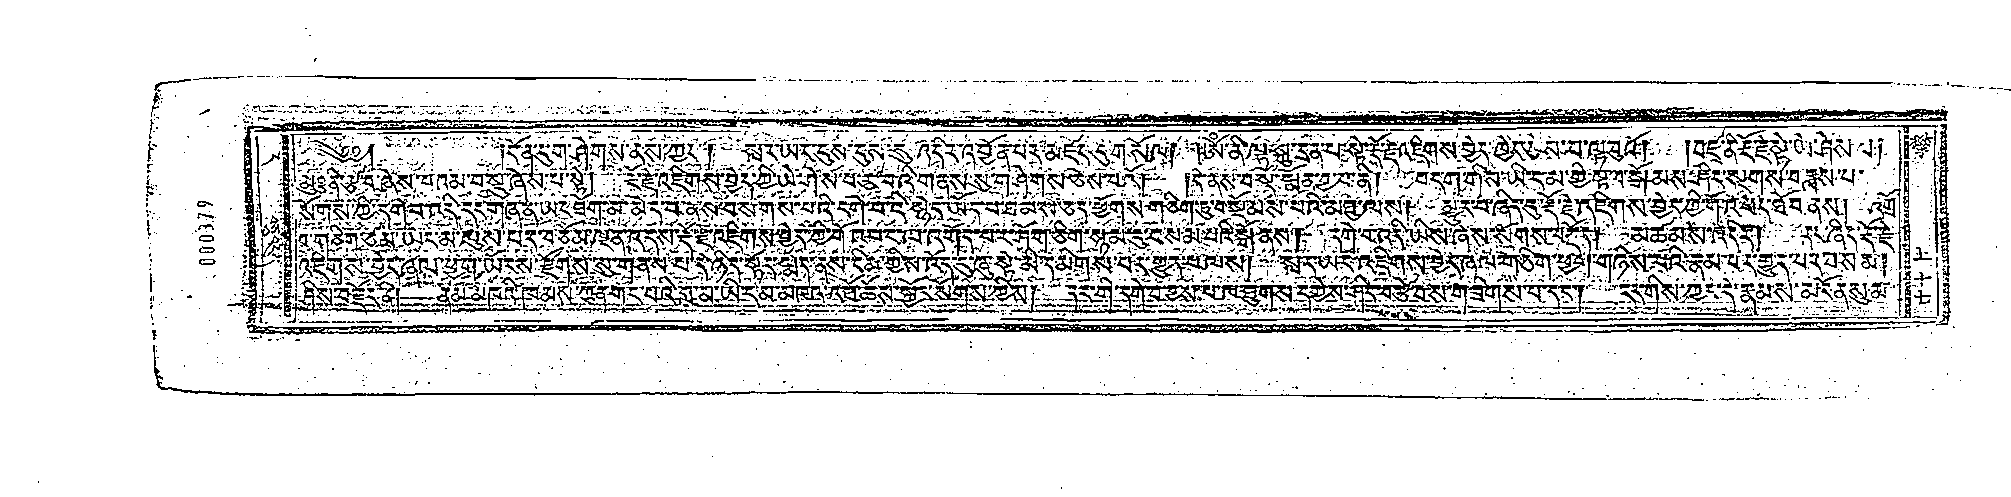༄༅། །དོན་དུ་གཤེགས་ནས་ཀྱང་། སླར་ཡང་དུས་དུས་སུ་འདིར་བྱོན་པར་མཛད་དུ་གསོལ། །ཨོཾ་ནི་ལྷ་སྐུ་དྲན་པ་སྟེ་རྡོ་རྗེ་འཇིགས་བྱེད་ཁྱེད་ཀྱིས་ཕ་ལྟ་བུའོ། །བཛྲ་ནི་རྡོ་རྗེ་སྟེ་ཡེ་ཤེས་པ།
མུཿ་ནི་རྩ་བ་ཞེས་པའམ་བསྡུ་ཞེས་པ་སྟེ། རྡོ་རྗེ་འཇིགས་བྱེད་ཀྱི་ཡེ་ཤེས་པ་རུ་བའི་གནས་སུ་གཤེགས་ཅེས་པའོ། །དེ་ནས་བསྔོ་སྨོན་བྱ་བ་ནི། བདག་གིས་ཡི་དམ་གྱི་ལྷ་བསྒོམས་ཤིང་སྔགས་བཟླས་པ་
སོགས་ཀྱི་དགེ་བ་འདི་དང་གཞན་ཡང་ཐོག་མ་མེད་བ་ནས་བསགས་པའི་དགེ་བ་ཇི་སྙེད་ཡོད་པ་ཐམས་ཅད་ཕྱོགས་གཅིག་ཏུ་བསྡོམས་པའི་མཐུ་ལས། མྱུར་བ་ཞིད་དུ་རྡོ་རྗེ་འཇིགས་བྱེད་ཀྱི་གོ་འཕར་ཐོབ་ནས། འགྲོ་
བ་གཅིག་ཙམ་ཡང་མ་ལུས་པར་བཅོམ་ལྡན་འདས་རྡོ་རྗེ་འཇིགས་བྱེད་ཀྱི་གོ་འཕང་ལ་འགོད་པར་ཤོག་ཅིག་སྙམ་དུ་བསམ་པའི་སྒོ་ནས། དགེ་བ་འདི་ཡིས་ཞེས་སོགས་བརྗོད། མཚམས་འདིར། རང་ཞིང་རྡོ་རྗེ་
འཇིགས་བྱེད་ཞལ་ཕྱག་ཡོངས་རྫོགས་སུ་གནས་པ་དེ་ཉིད་སྟོད་སྨད་ནས་རིམ་གྱིས་འོད་དུ་ཞུ་སྟེ་མི་དམིགས་པར་གྱུར་པ་ལས། སླར་ཡང་འཇིགས་བྱེད་ཞལ་གཅིག་ཕྱག་གཉིས་པའི་རྣམ་པར་གྱུར་པར་བསམ།
ཤིས་བརྗོད་ནི། ནམ་ཁའི་ཁམས་ཀུན་གང་བའི་བླ་མ་ཡི་དམ་མཁའ་འགྲོ་ཆོས་སྐྱོང་སོགས་ཀྱིས། རང་གི་དགེ་བ་བྱས་པ་ལ་ཐུགས་དགྱེས་ཤིང་བརྩེ་བས་གཟིགས་པ་དང་། རང་གིས་ཀྱང་དེ་རྣམས་མངོན་སུམ་